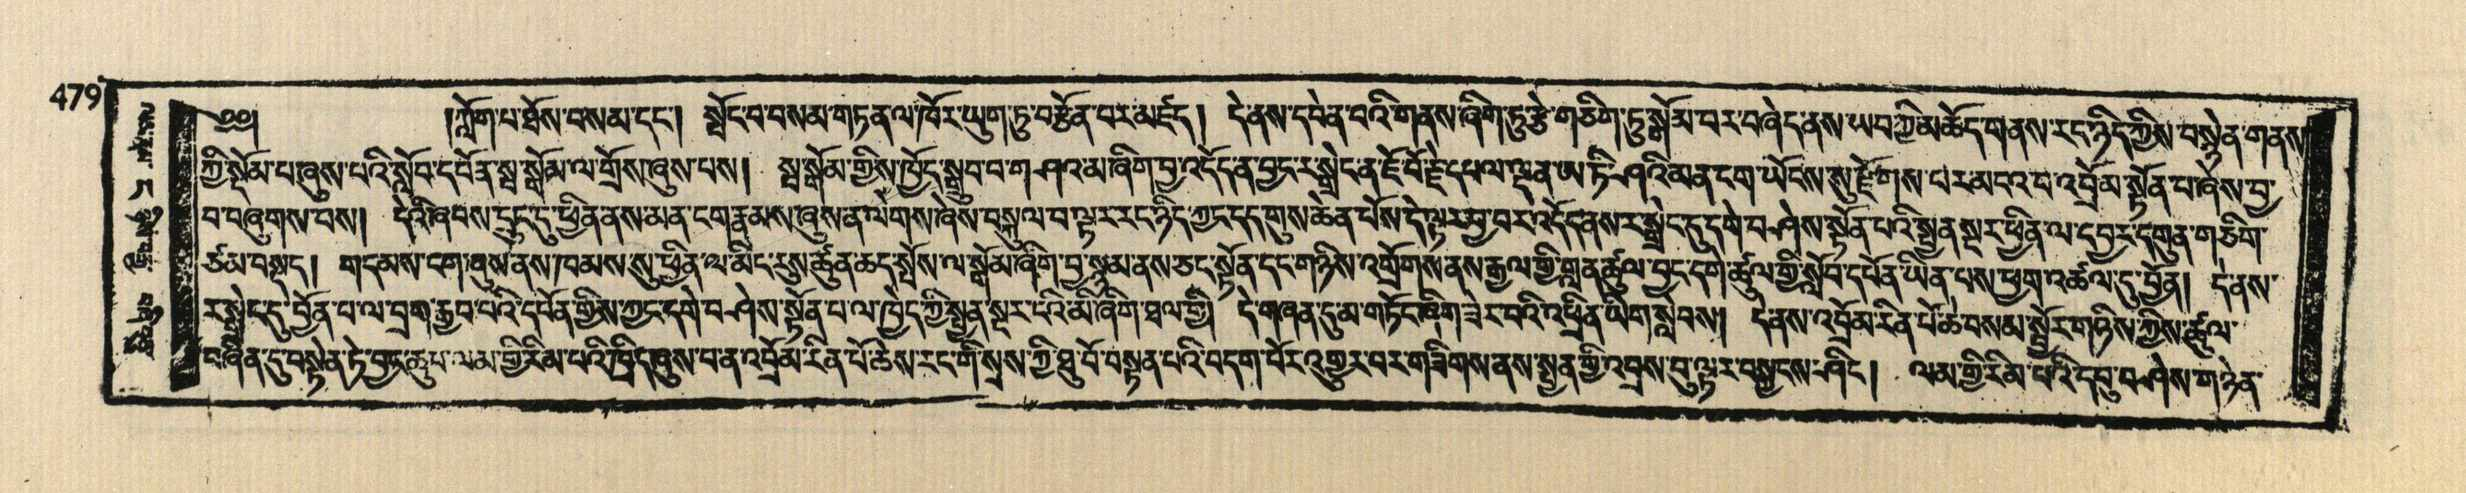༄༅། །ཀློག་པ་ཐོས་བསམ་དང་། སྤོང་བ་བསམ་གཏན་ལ་ཁོར་ཡུག་ཏུ་བརྩོན་བར་མཛད། དེ་ནས་དབེན་བའི་གནས་ཞིག་ཏུ་རྩེ་གཅིག་ཏུ་སྒོམ་བར་བཞེད་ནས་ཡབ་ཀྱི་མཆོད་གནས་རང་ཉིད་ཀྱིས་བསྙེན་གནས་
ཀྱི་སྡོམ་པ་ཞུས་པའི་སློབ་དཔོན་སྦ་སྒོམ་ལ་གྲོས་ཞུས་པས། སྦ་སྒོམ་གྱིས་ཁྱོད་སྒྲུབ་བ་གཤའ་མ་ཞིག་བྱ་འདོད་ན་བྱང་ར་སྒྲེང་ན་ཇོ་བོ་རྗེ་དཔལ་ལྡན་ཨ་ཏི་ཤའི་མན་ངག་ཡོངས་སུ་རྫོགས་པར་མངའ་བ་འབྲོམ་སྟོན་པ་ཞེས་བྱ་
བ་བཞུགས་པས། དེའི་ཞབས་དྲུང་དུ་ཕྱིན་ནས་མན་ངག་རྣམས་ཞུས་ན་ལེགས་ཞེས་བསྐུལ་བ་ལྟར་རང་ཉིད་ཀྱང་དད་གུས་ཆེན་པོས་དེ་ལྟར་བྱ་བར་འདོད་ན་ར་སྒྲེང་དུ་དགེ་བཤེས་སྟོན་པའི་སྤྱན་སྔར་ཕྱིན་ལ་དབྱར་དགུན་གཅིག་
ཙམ་བསྡད། གདམས་གནག་ཞུས་ནས་ཁམས་སུ་ཕྱིན་ལ་མིང་རུས་ཚུན་ཆད་སྤོས་ལ་སྒོམ་ཞིག་བྱ་སྙམ་ནས་ཆད་སྟོན་དང་གཉིས་འགྲོགས་ནས་རྒྱལ་གྱི་གླན་ཚུལ་བྱང་དགེ་ཚུལ་གྱི་སློབ་དཔོན་ཡིན་པས་ཕྱག་འཚལ་དུ་བྱོན། དེ་ནས་
ར་སྒྲེང་དུ་བྱོན་པ་ལ་བྲག་རྒྱབ་པའི་དཔོན་གྱིས་ཀྱང་དགེ་བཤེས་སྟོན་པ་ལ་ཁྱེད་ཀྱི་སྤྱན་སྔར་ངའི་མི་ཞིག་ཐལ་གྱི། དེ་གཞན་དུ་མ་གཏོང་ཞིག་ཟེར་བའི་འཕྲིན་ཡིག་སླེབས། དེ་ནས་འབྲོམ་རིན་པོ་ཆེ་བསམ་སྦྱོར་གཉིས་ཀྱིས་ཚུལ་
བཞིན་དུ་བསྟེན་ཏེ་བྱང་ཆུབ་ལམ་གྱི་རིམ་པའི་ཁྲིད་ཞུས་པ་ན་འབྲོམ་རིན་པོ་ཆེས་རང་གི་སྲས་ཀྱི་ཐུ་བོ་བསྟན་པའི་བདག་པོར་འགྱུར་བར་གཟིགས་ནས་སྤྱན་གྱི་འབྲས་བུ་ལྟར་བསྐྱངས་ཤིང་། ལམ་གྱི་རྨི་པའི་དབུ་བཤེས་གཉེན་